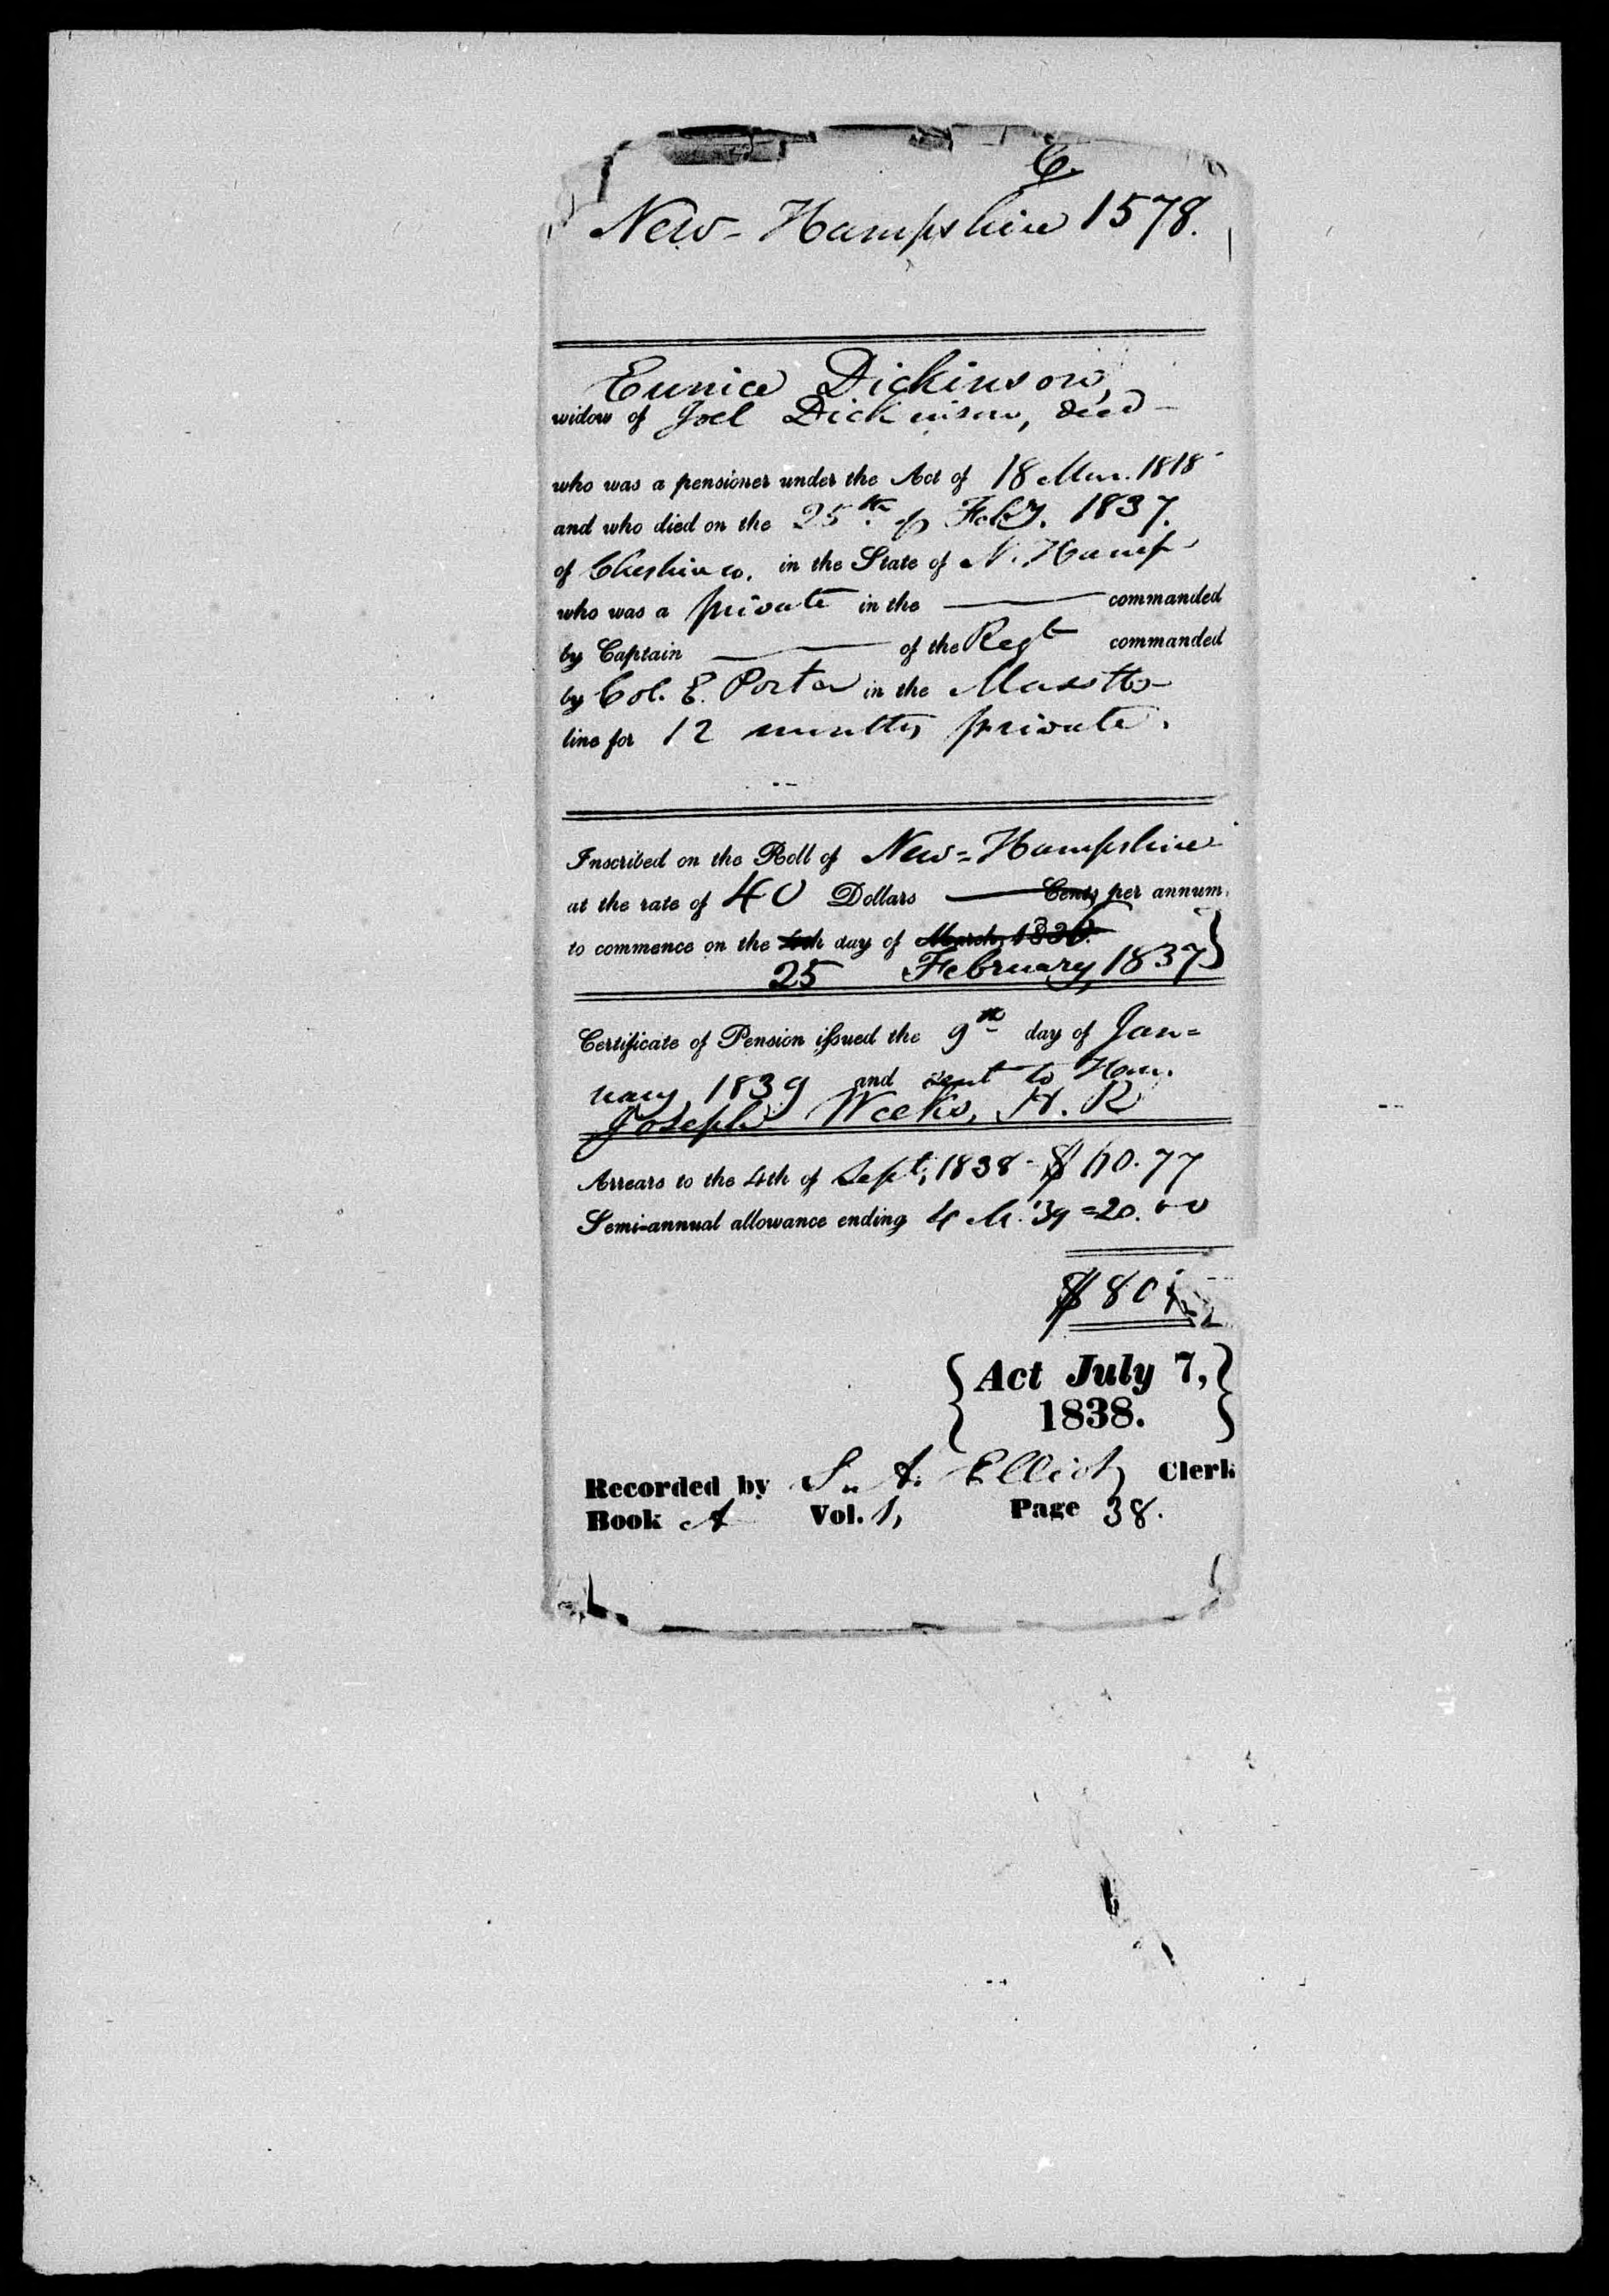Eunice Dickinson,
widow of Joel dickinseon, d'ced

who was a pensioner under the Act of 
18 Mar. 18181 and who died onthe 25th of Feby. 1837. of Cheshire co. in the State of N. Hamp, who was a private in the ____________commanded by Captain ________________of the Regt commanded by Col. E, Porter in the Masstts. line for 12 months private.
___________________________________________________
Inscribed on the Roll of New Hampshire at the rate of 40 Dollars __________________per annum, to commence on the [4th day of March, 1838 crossed out] 25 day of February, 1837] [is written in its place]
_________________________________________________
Certificate of Pension issued the 9th day of January 1839 and sent to  Joseph Weeks, H. R.
__________________________________________________
Arrears to the 4th of Sept, 1838 -           $60.77
Semi-annual allowance ending (?) '39     20.00
                                                               ---------                                                               $80.77
{Act July 7, }
{   1838     }
Recorded by S. A. Elliot, Clerk
Book A   Vol 1 (?)     Page 38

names: S A Elliot, Eunice Dickinson, Joel Dickinson, Joseph Weeks, E Porter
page: 31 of 31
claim: widow's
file: W. 22946, Joel Dickinson, Mass.